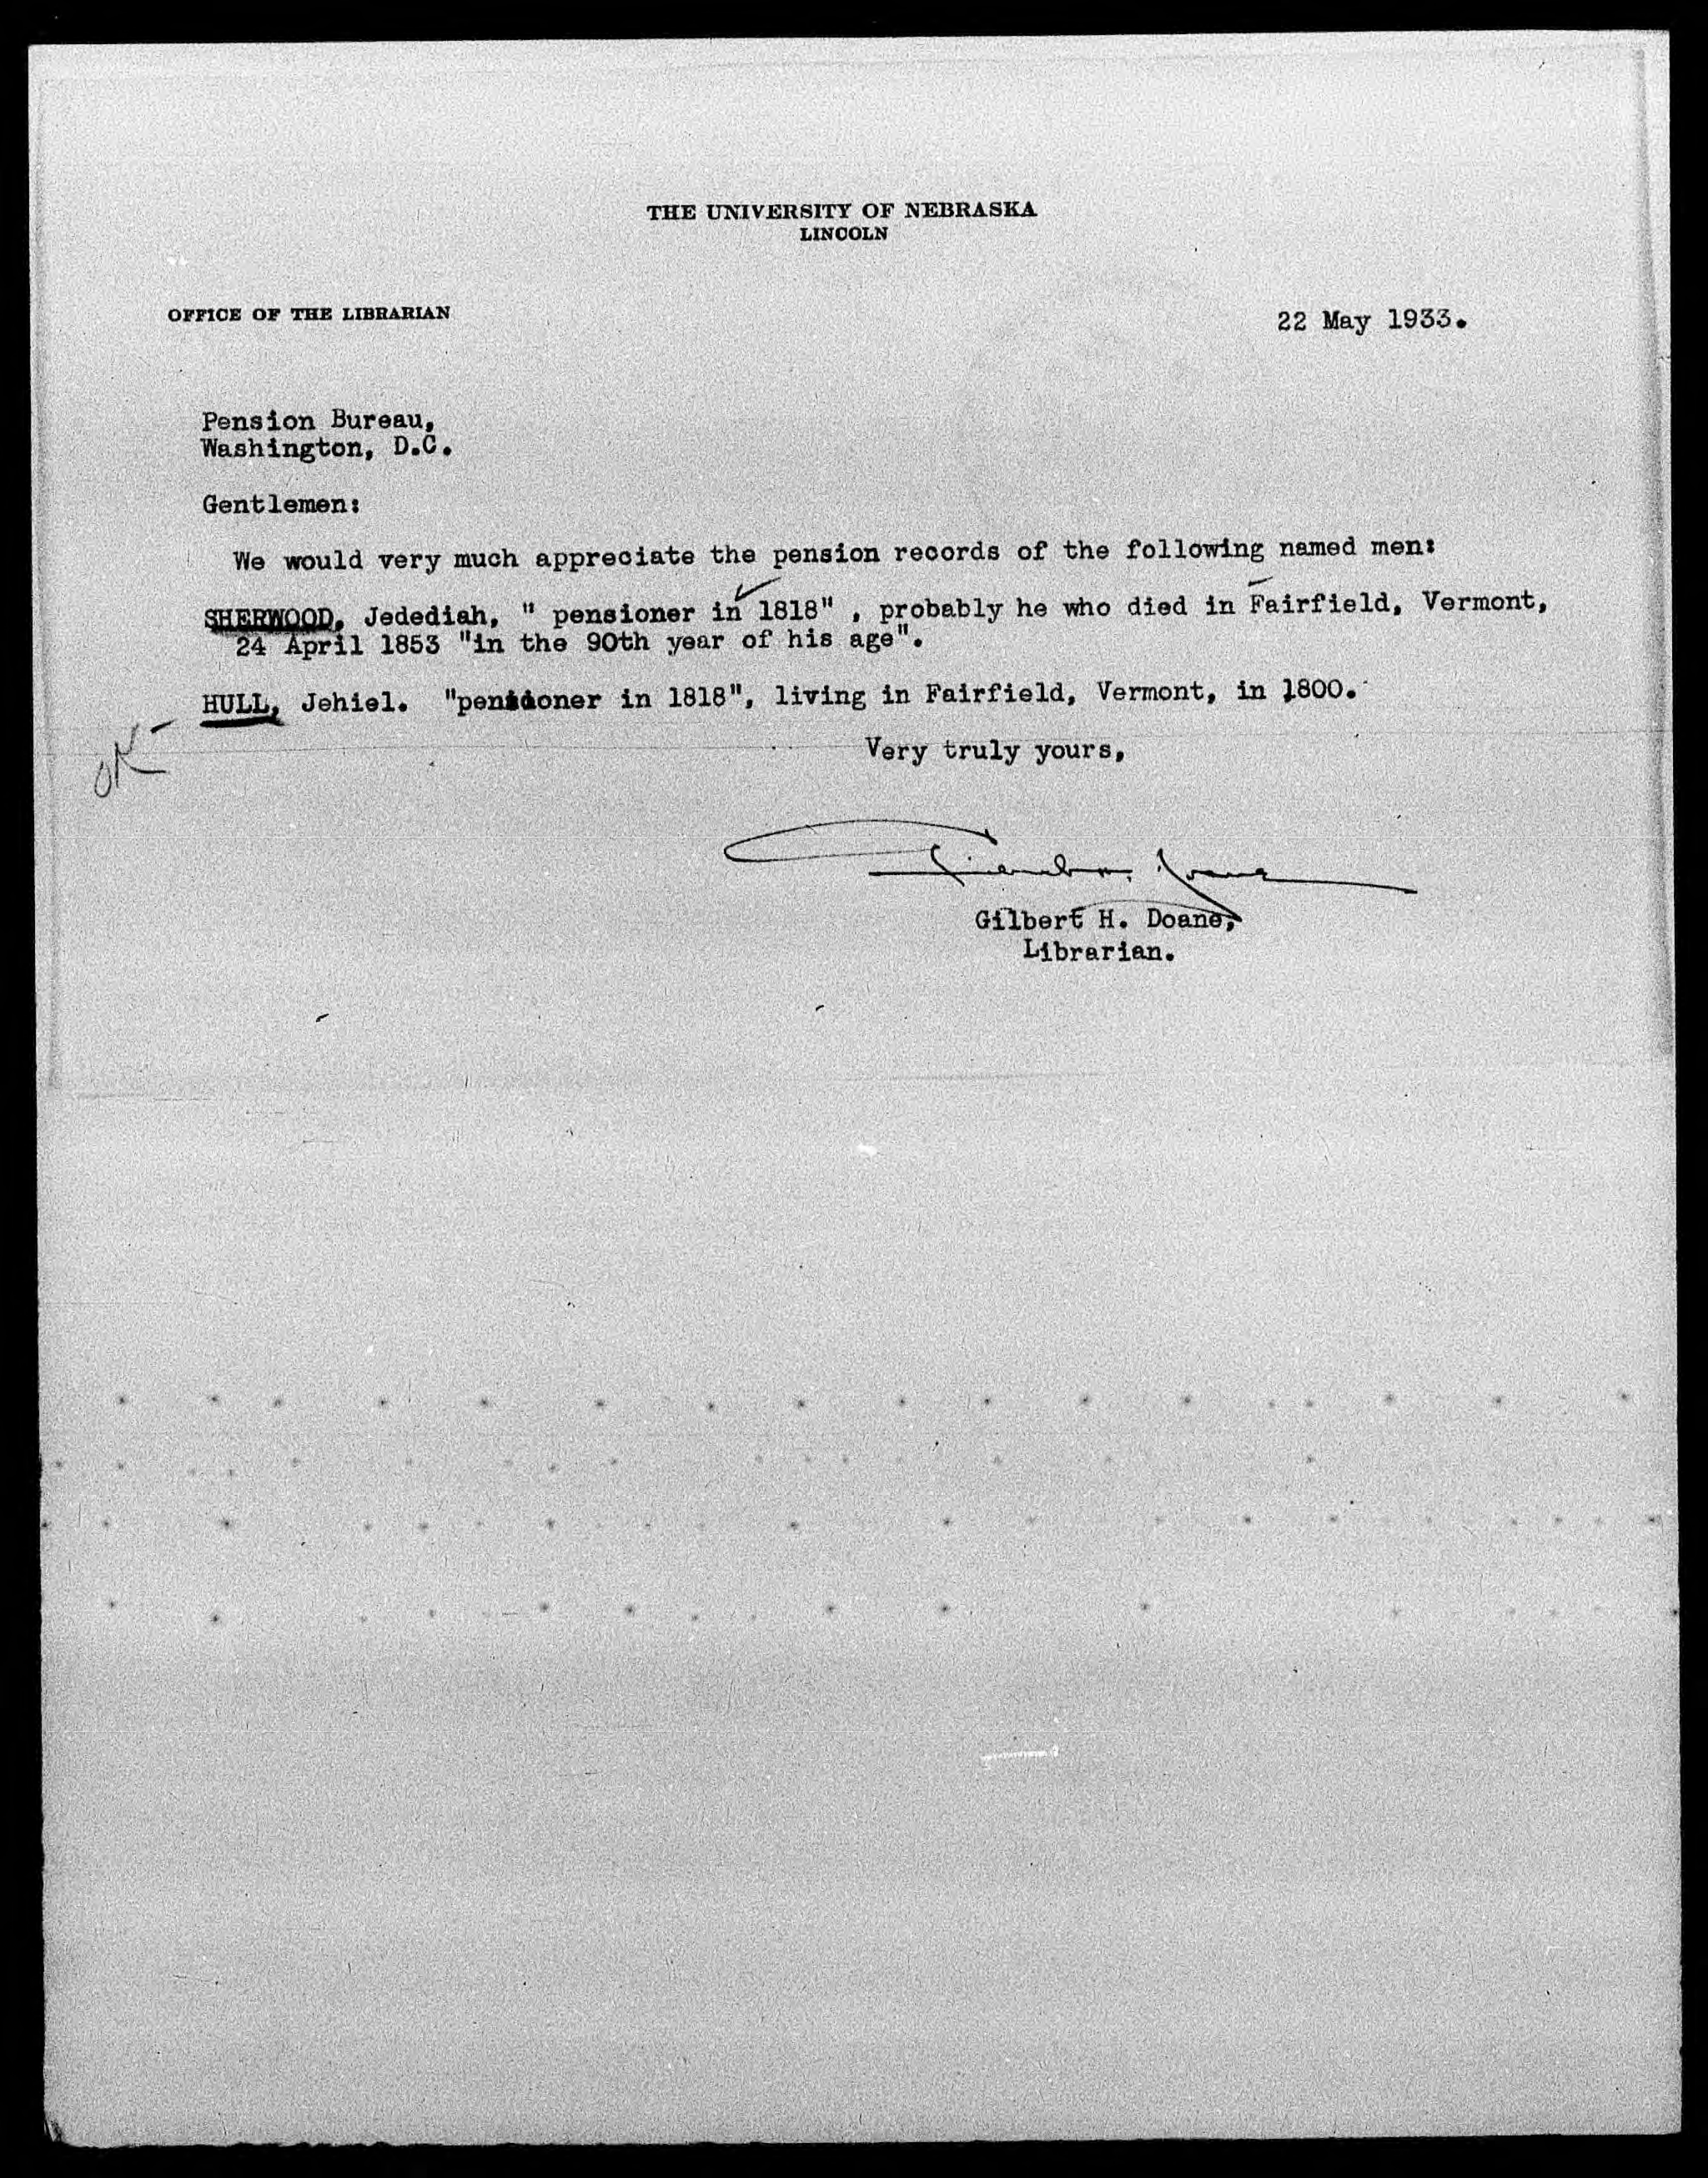The University of Nebraska
Lincoln

Office of the Librarian
22 May 1933.

Pension Bureau,
Washington, D.C.

Gentlement:

We would very much appreciate the pension records of the following named men:

SHERWOOD, Jedidiah, " pensioner in 1818" , probably he who died in Fairfield, Vermont, 24 April 1853 "in the 90th year of his age".

HULL, Jehiel. "pensioner in 1818", living in Fairfield, Vermont, in 1800.
handwritten: OK with line pointing to HULL 
Very truly yours,
[signature]
Gilbert H. Doane,
Librarian.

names: Jedediah Sherwood, Gilbert L Doane, Jehiel Hull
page: 56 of 58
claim: widow's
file: W. 25813, Jehiel Hull, Conn.